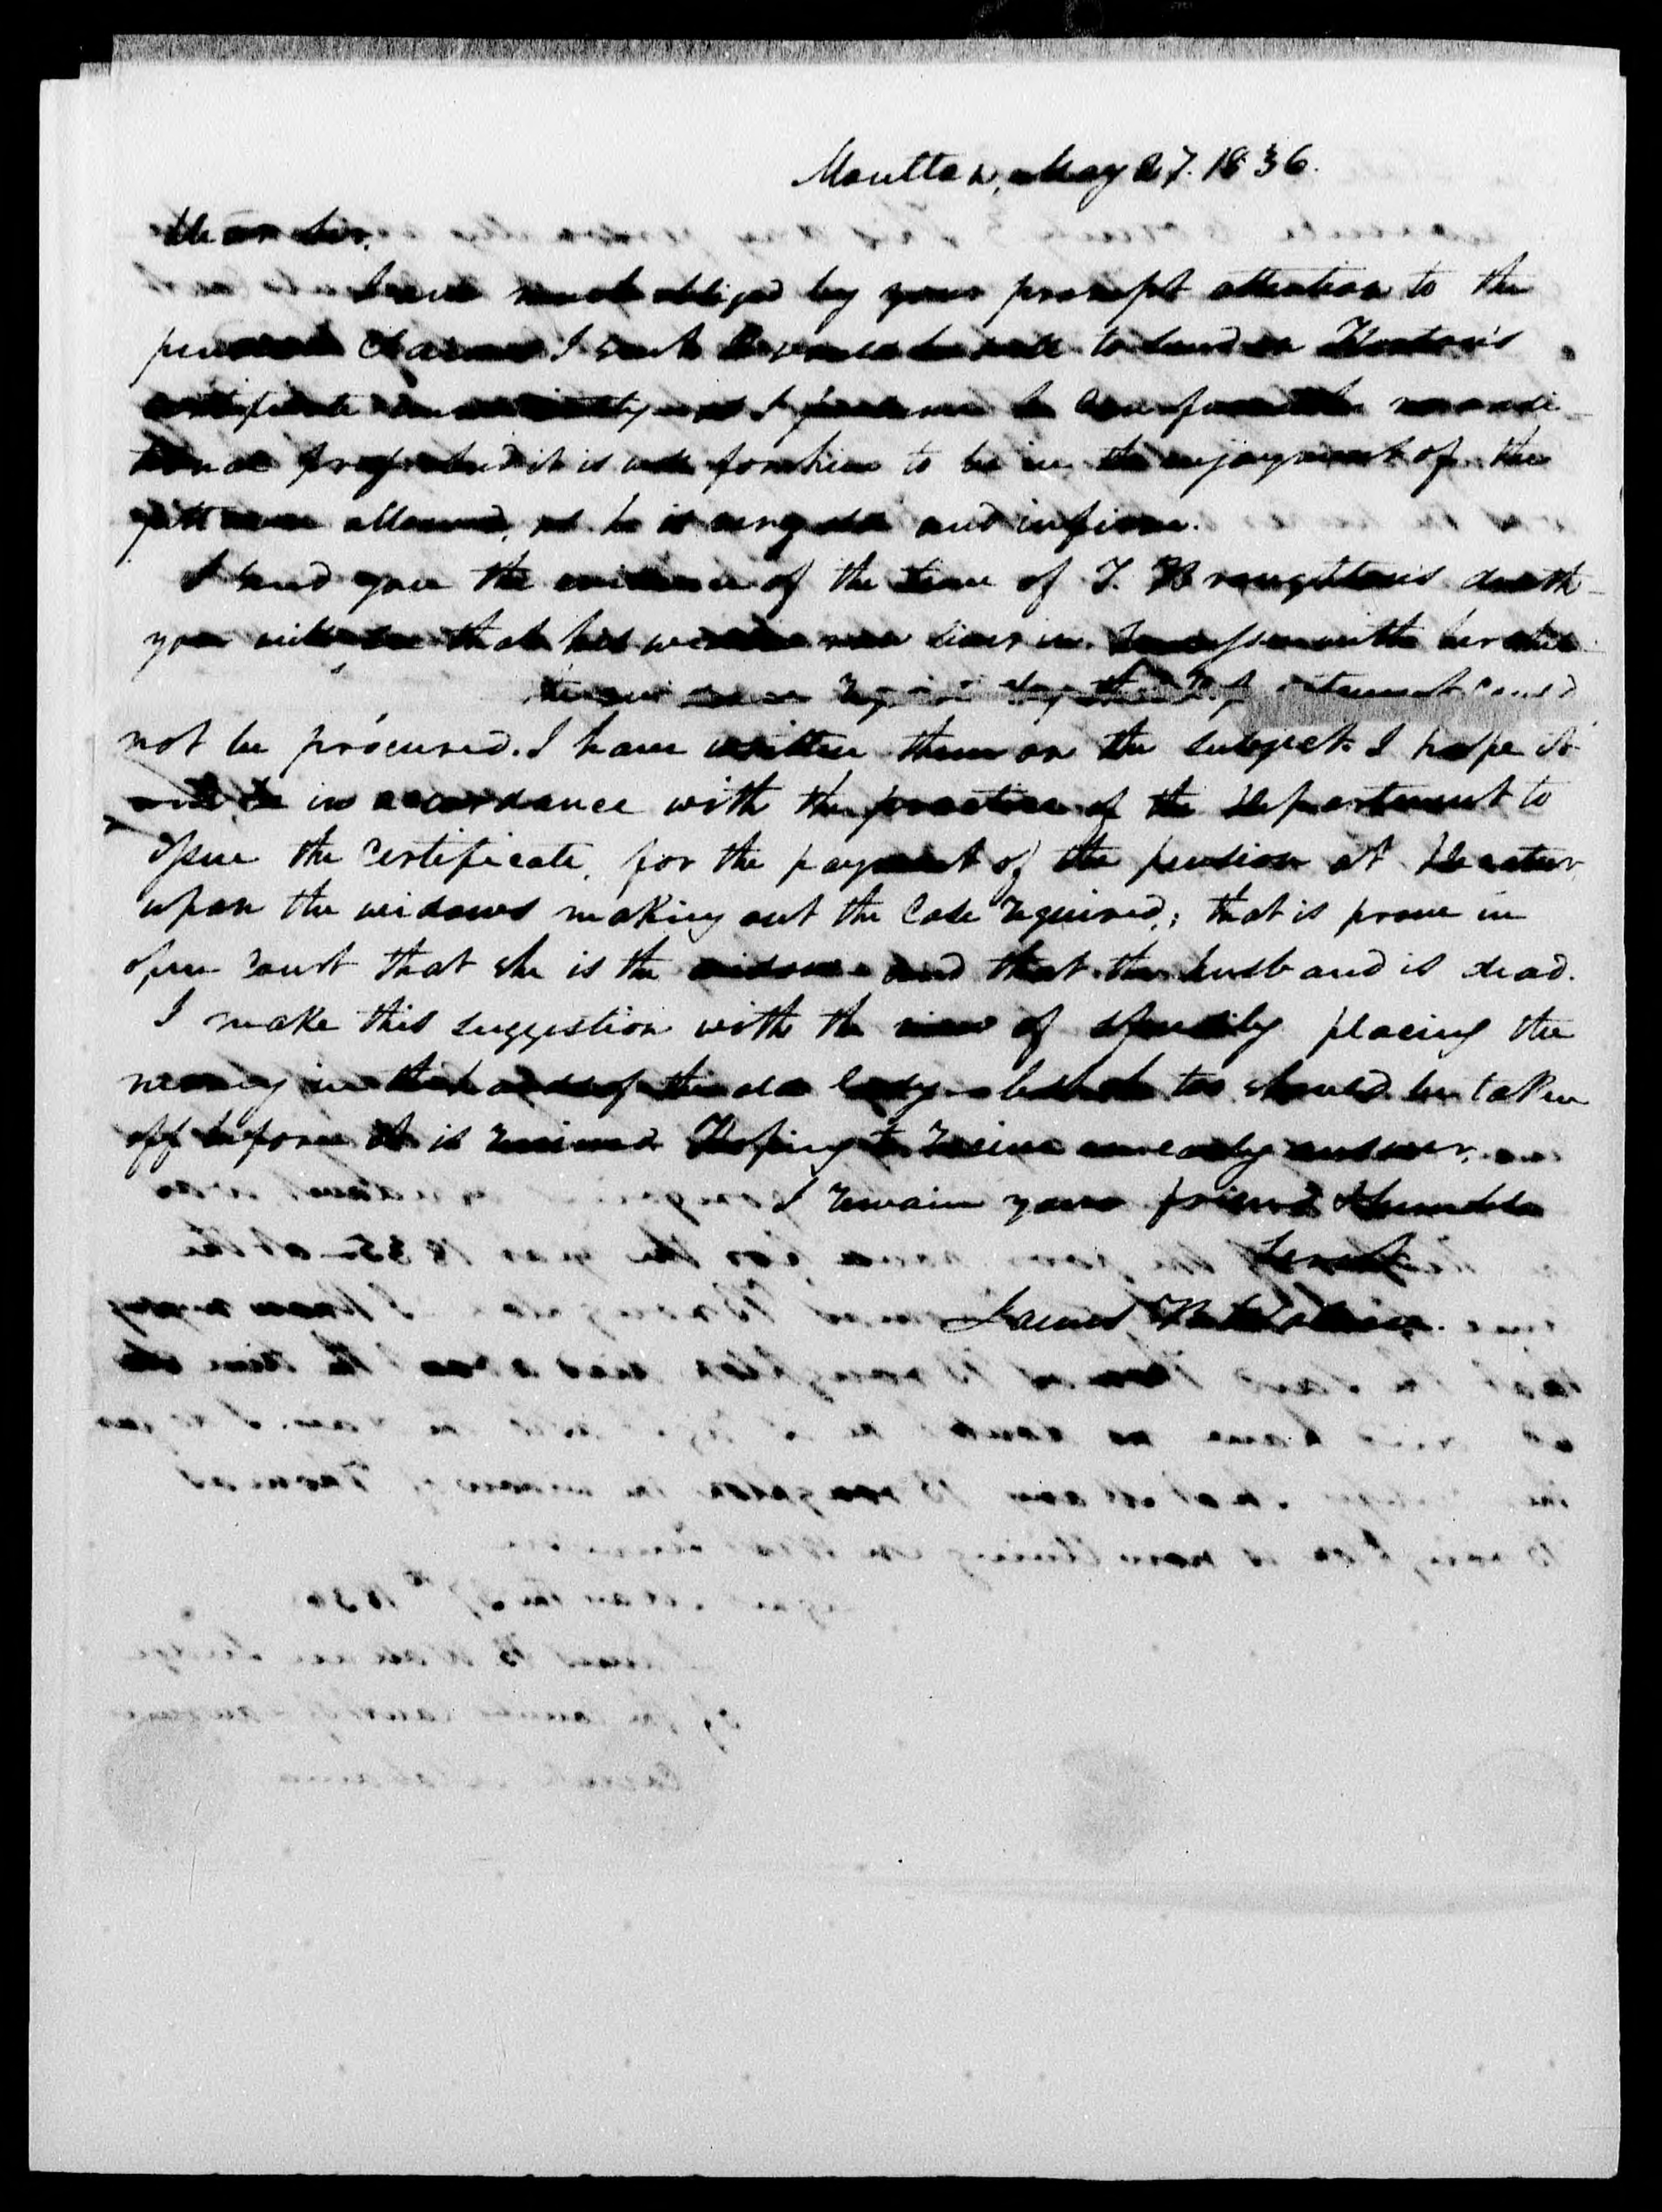[The text/ink is blurred on the top of this document and in places on the bottom... transcribed what was illegible ]
              
Moulton  May 7. 1836

Dear Sir
I was much obliged by your prompt attention to the (illegible) claims I sent 

practice of the Department to issue the certificate for the payment of the pension at (illegible) upon the widows making out the case required, that is prove in open Court that she is the widow and that the husband is dead.
I make this suggestion with the [illegible] the old lady [illegible] too. should be taken
off before it is [illegible] save only and soon [illegible]

[illegible]

James B Wallace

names: T Broughton, James B Wallace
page: 32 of 72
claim: widow's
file: W. 897, Thomas Broughton, S.C.